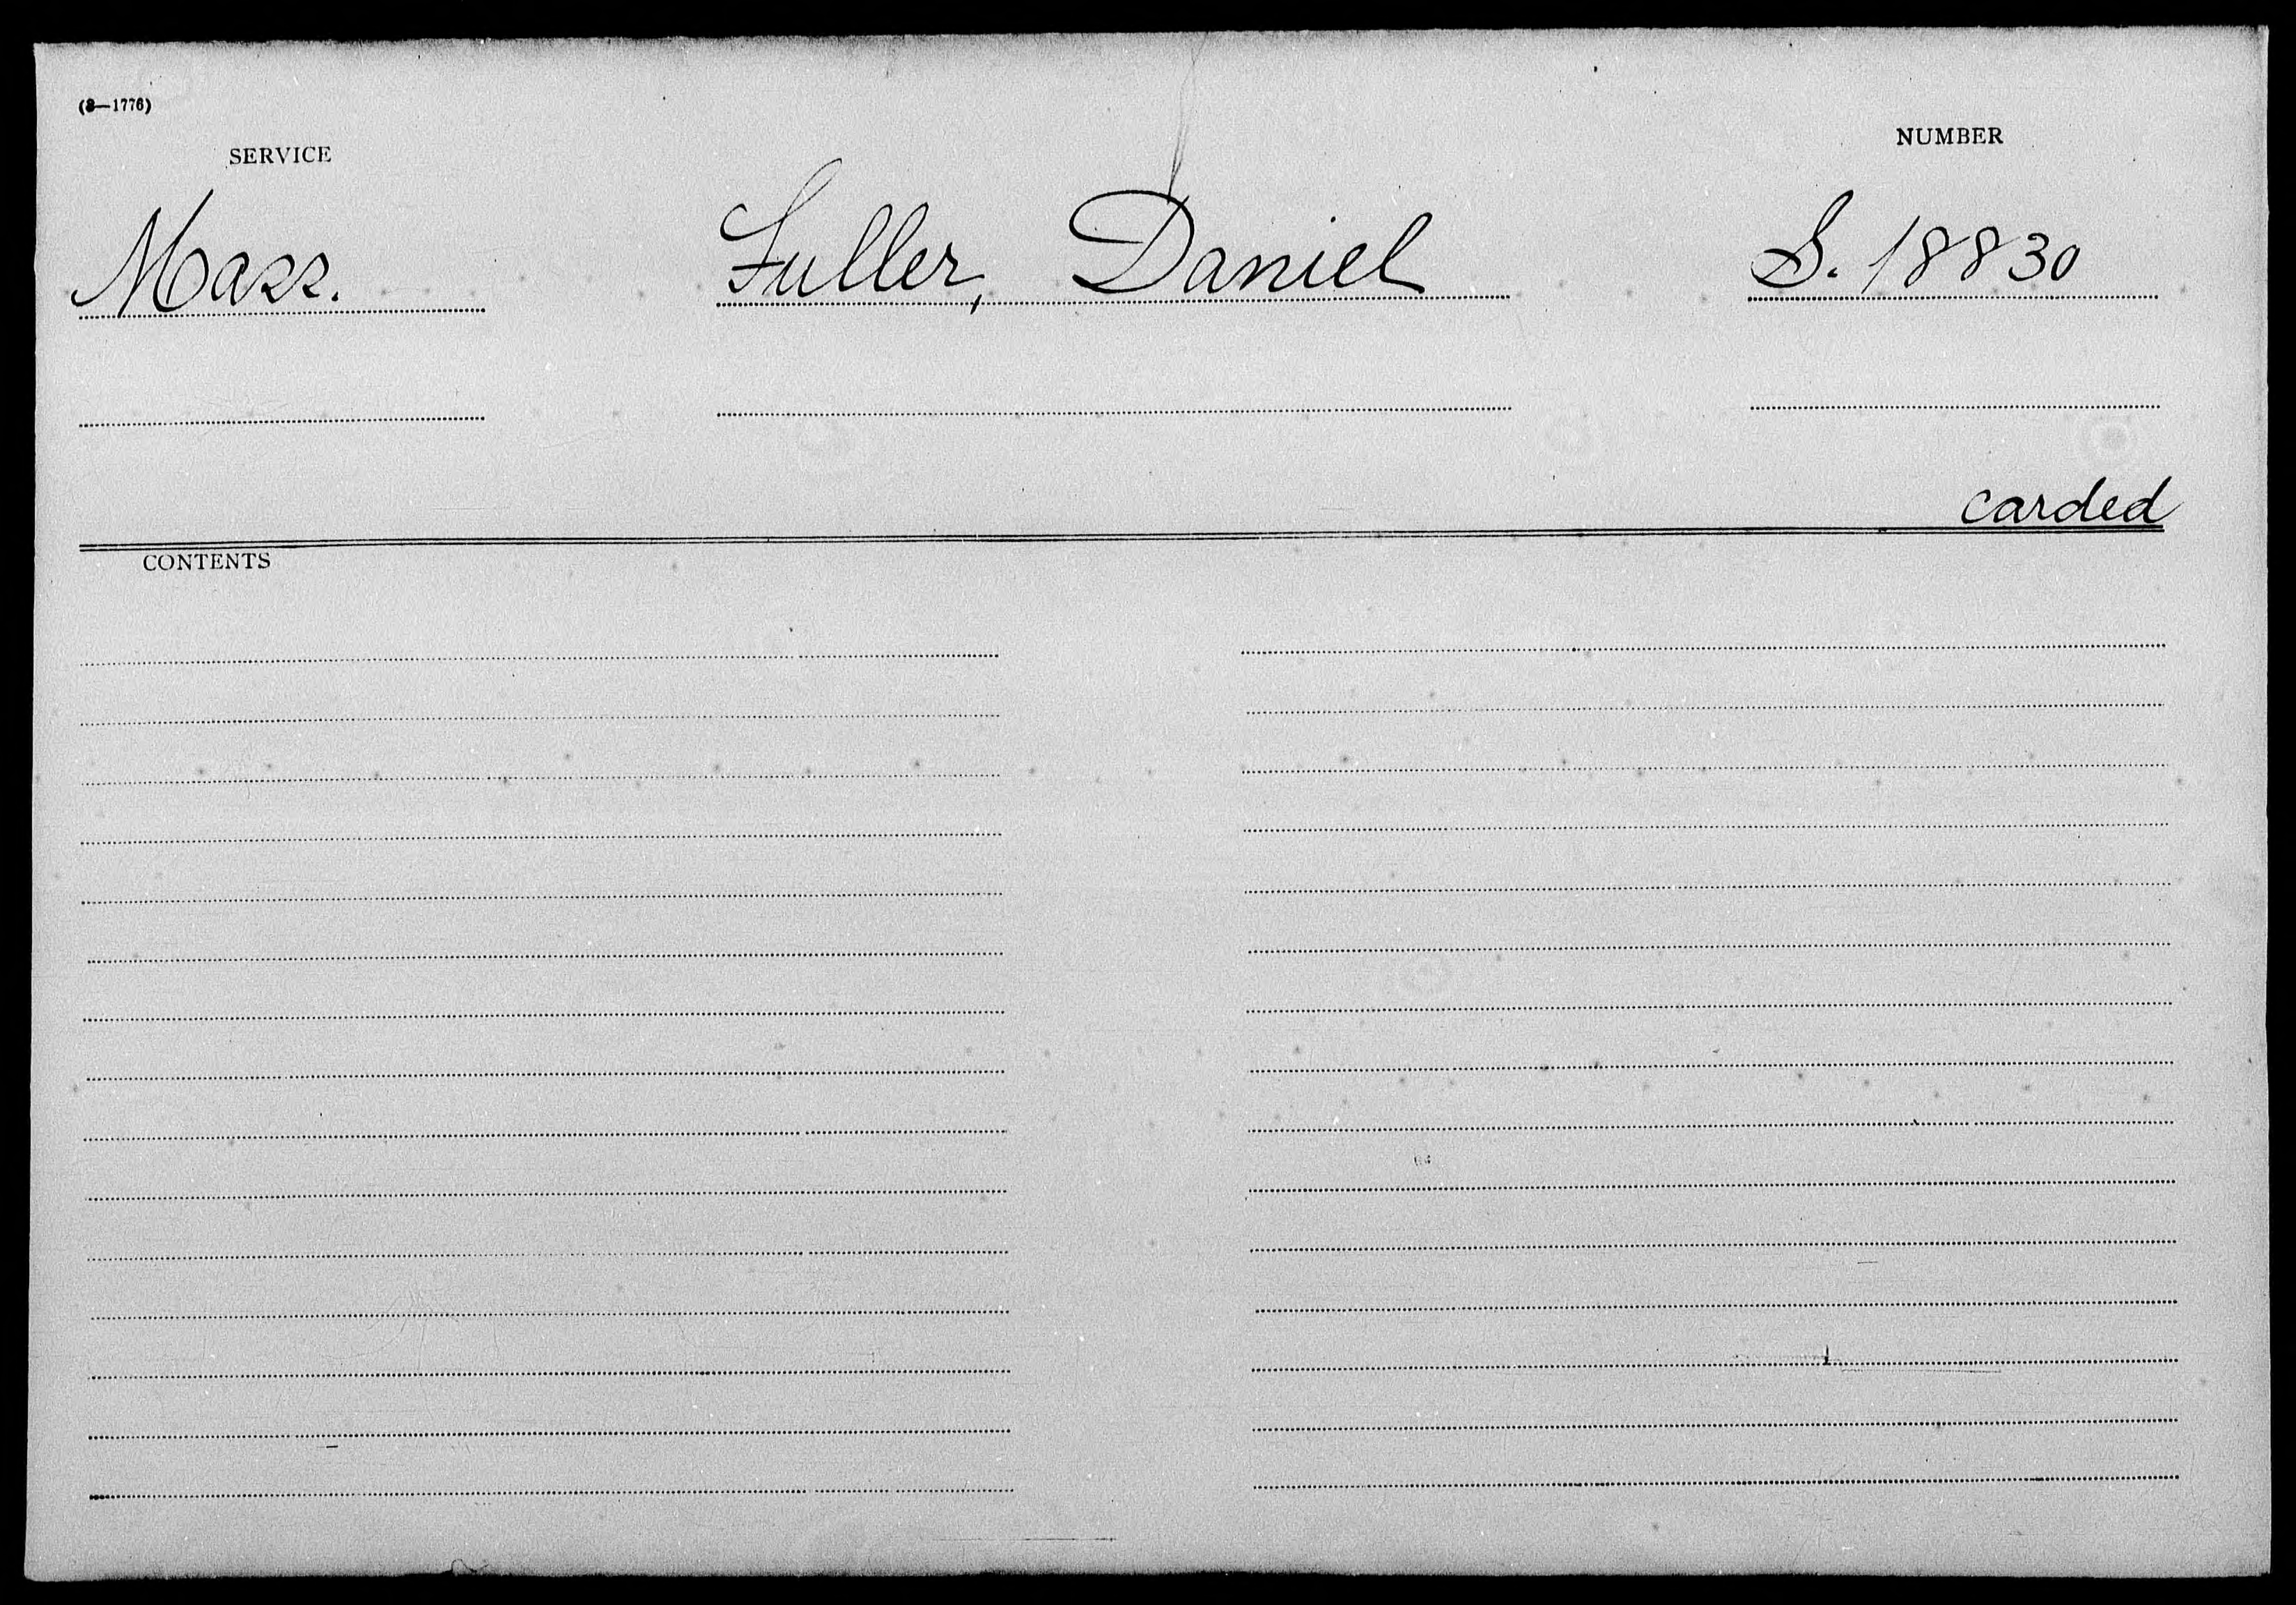(8-1776)
SERVICE
[handwritten] Mass.

[handwritten] Fuller, Daniel

NUMBER
[handwritten] S.18830

Carded [handwritten]
CONTENTS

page: 1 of 29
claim: survivor's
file: S. 18830, Daniel Fuller, Mass.